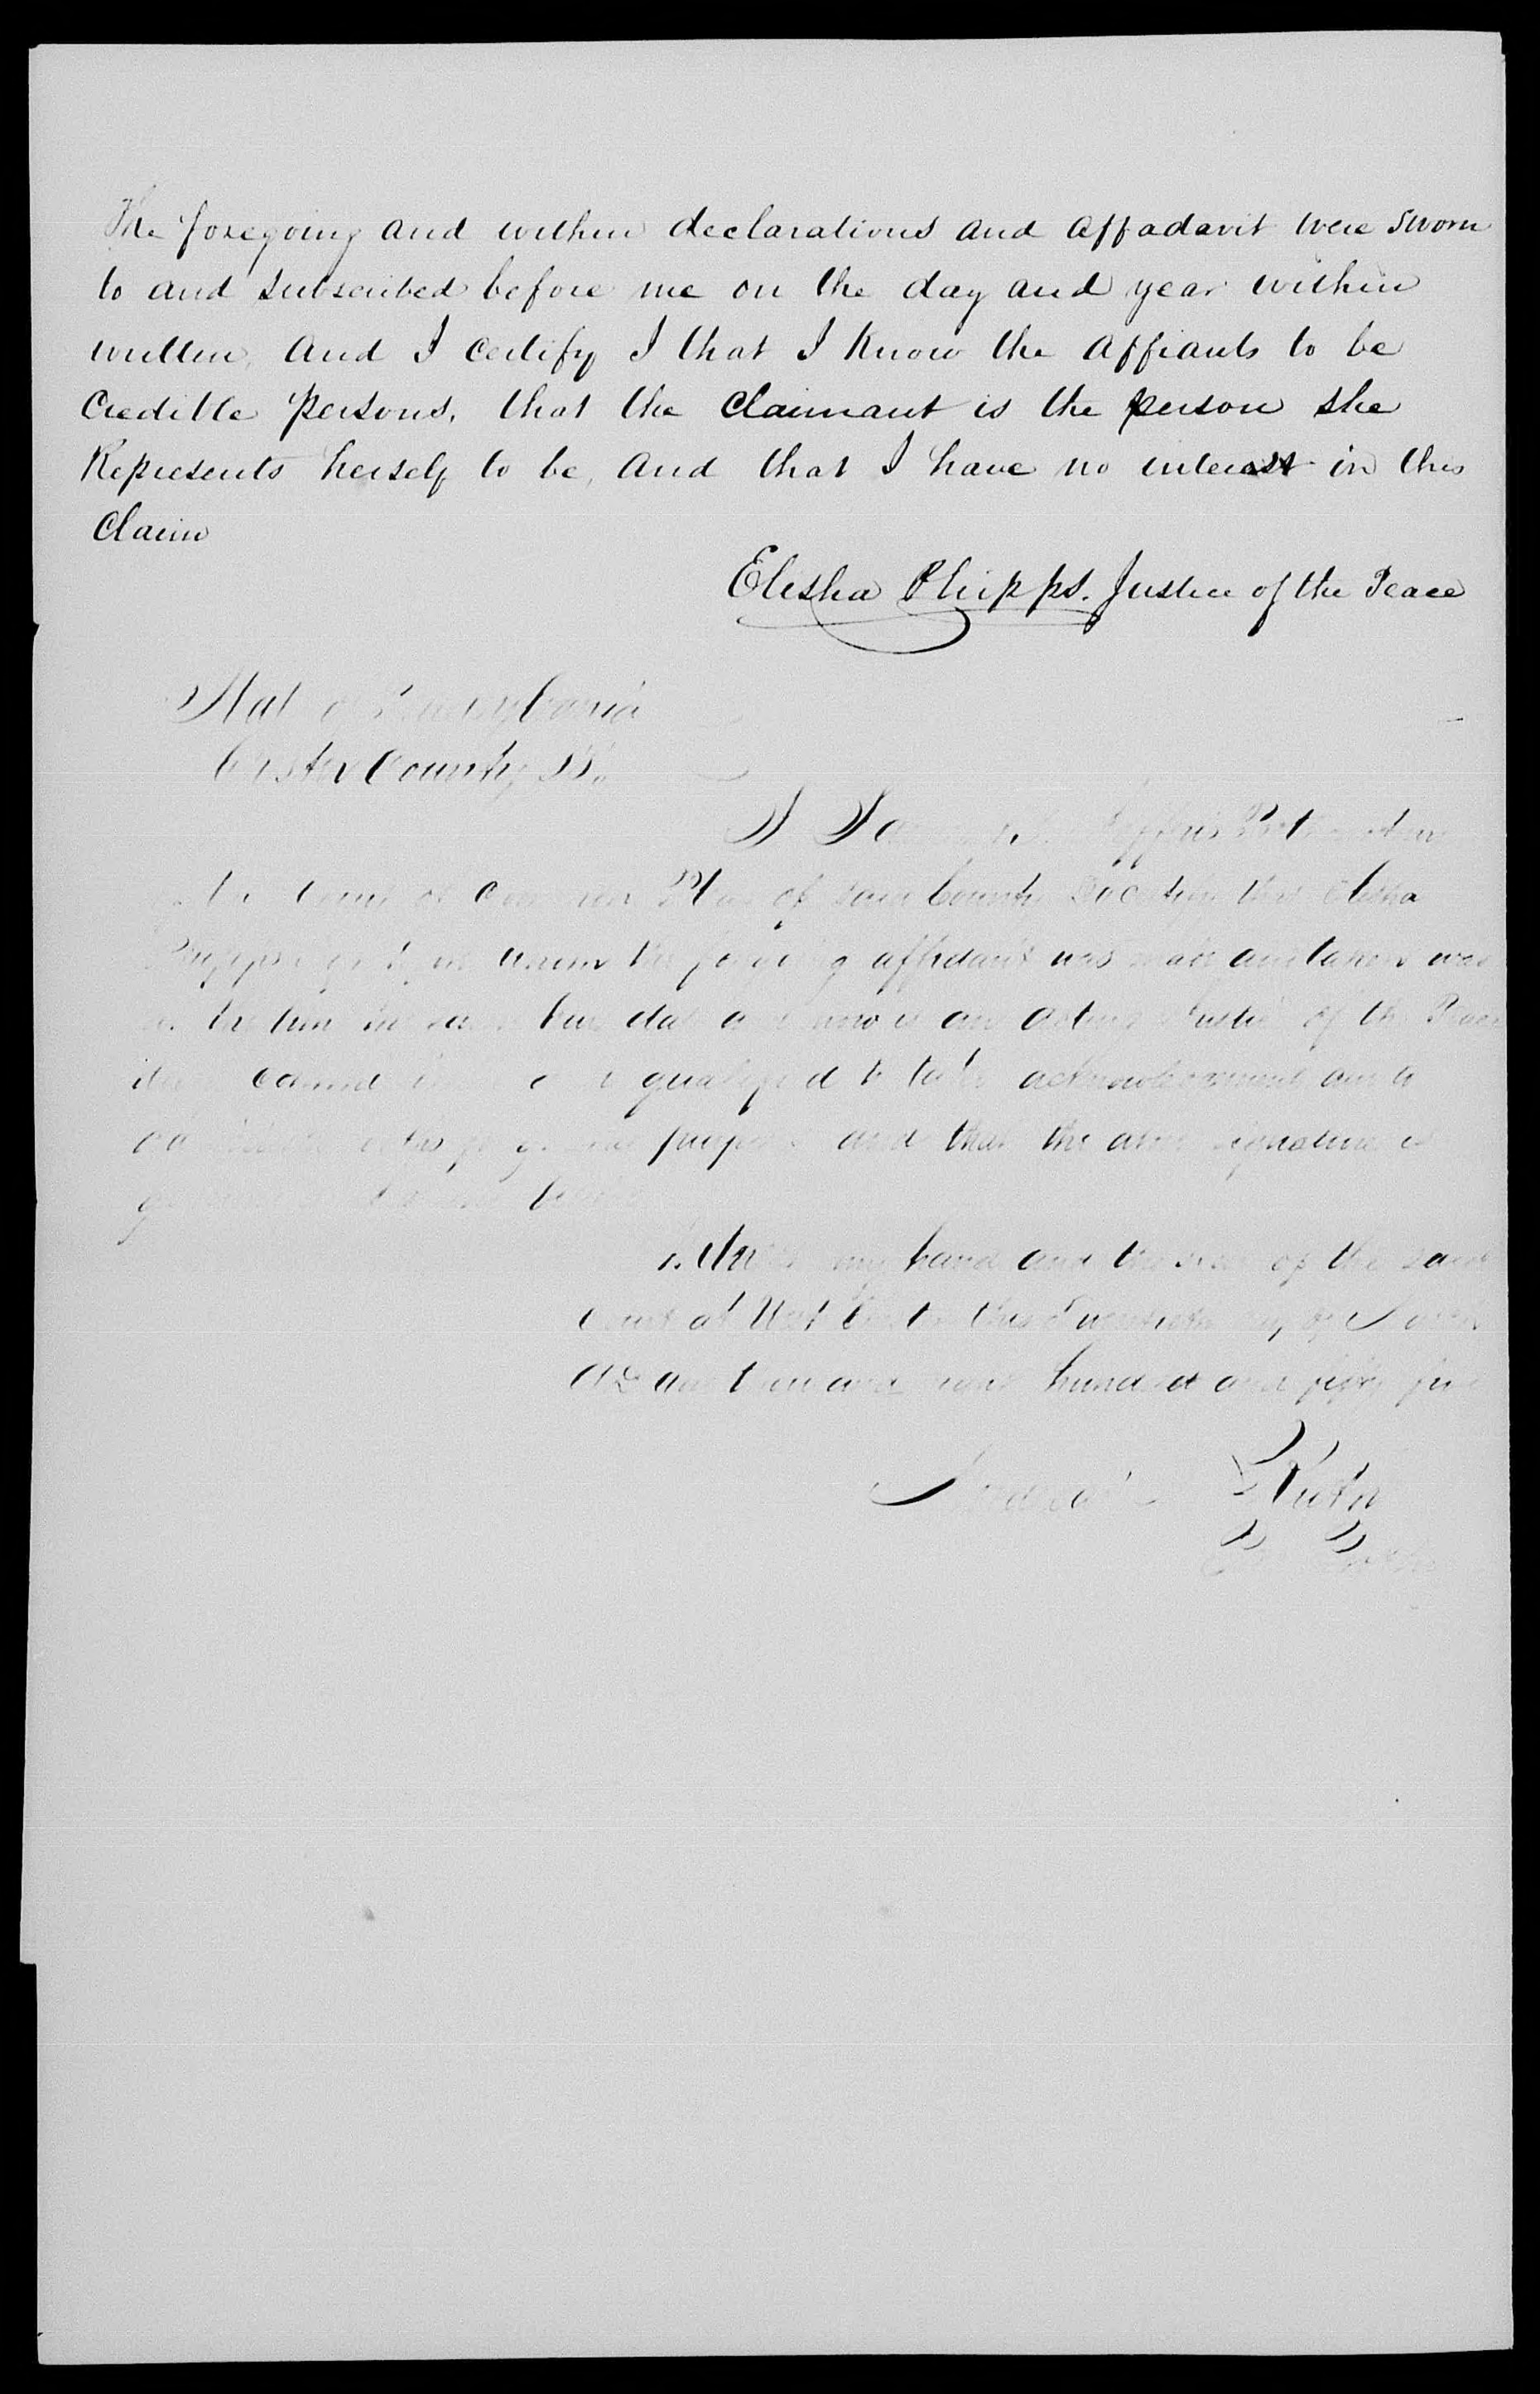The foregoing and within declarations and affidavit were sworn to and subscribed before me on the day and year within written and I certify I that I know the affiants to be credible persons that the claimant is the person she represents herself to be and that I have no interest in this claim.

Elisha Phipps - Justice of the Peace

State of Pennsylvania
West Chester County

I [illegible] Protonotary for the court of Common Pleas of said county do certify that Elisha Phipps Esq. [illegible] foregoing affidavits was [illegible] was acting Justice of the Peace duly commissioned and qualified to take acknowledgments and to administer oaths [illegible] and that the above signature purporting to be his is genuine.

Witness my hand and the seal of the said court at West Chester this twentieth day of March AD one thousand eight hundred and fifty-five.

{Illegible} -Proth
Prothonotary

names: Elesha Phipps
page: 19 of 74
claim: widow's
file: W. 9422, James Edgar, Penn.